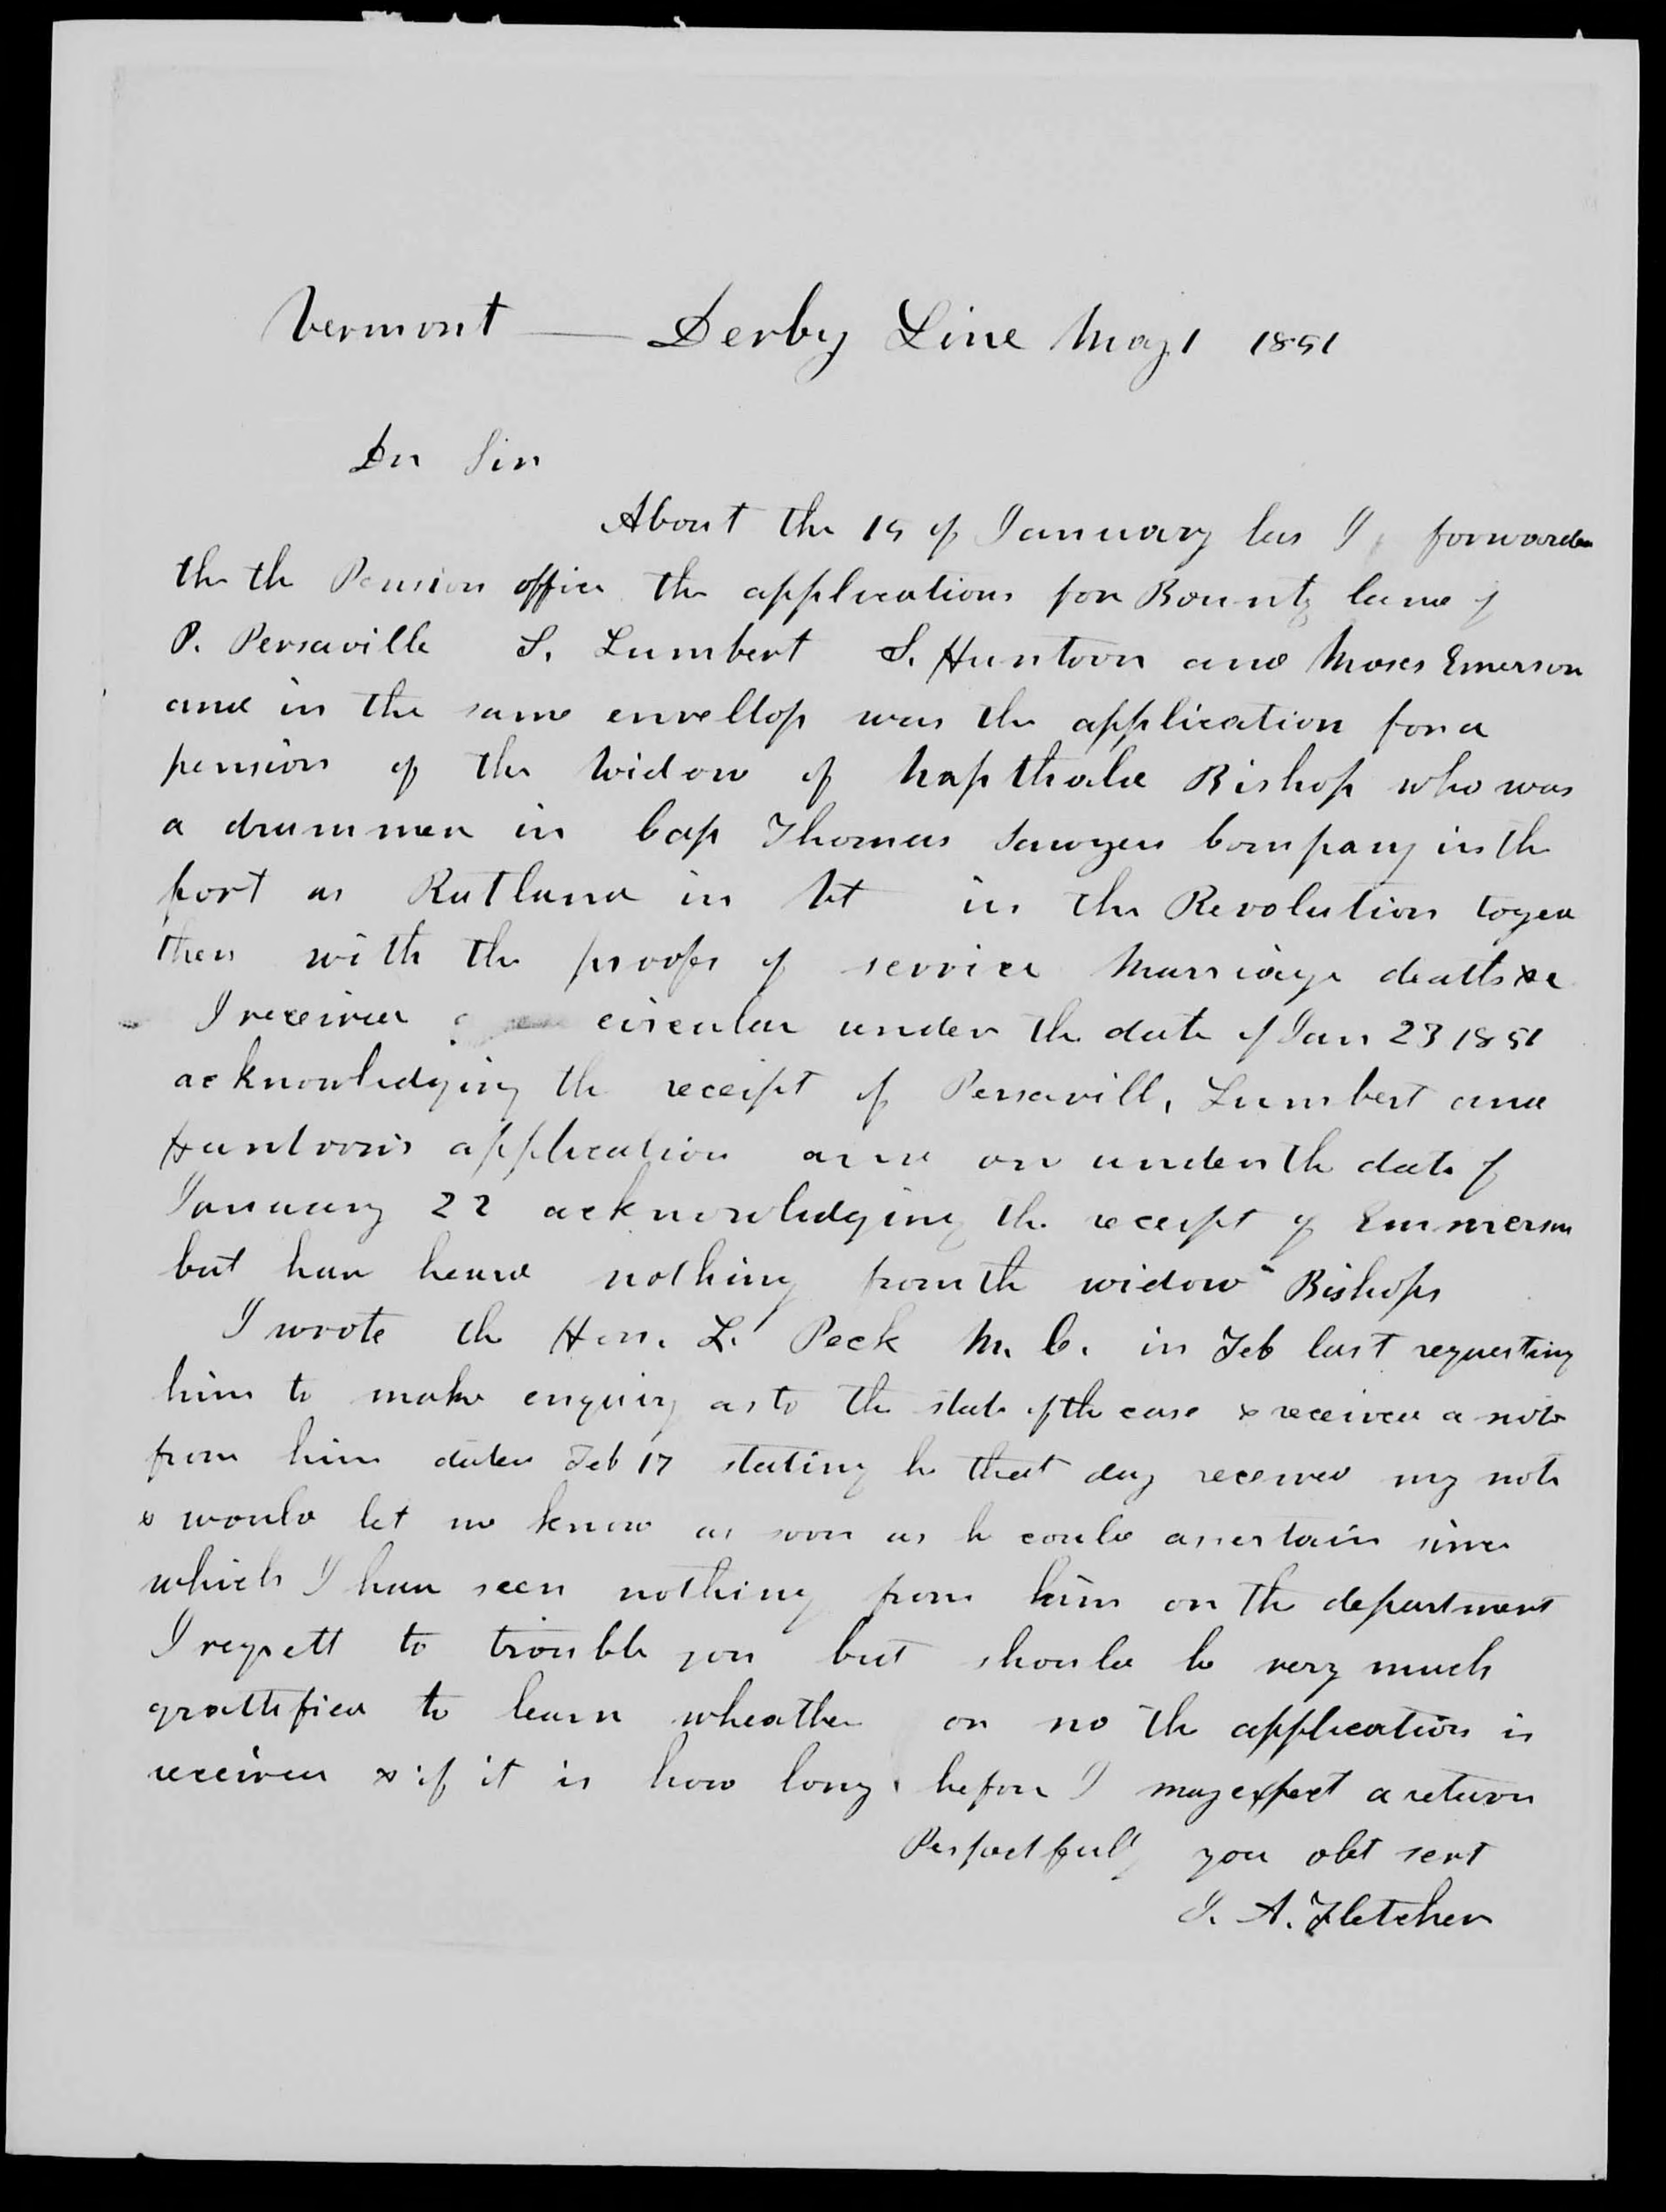Vermont - Derby Line  May 1, 1851
Dear Sir
About the 15 of January last I forwarded to the Pension office the application for Bounty land of P. Persaville, L. Lumbert, S. Hunton and Moses Emerson and in the same envelope was the application for a pension of the widow of Napthala Bishop who was a drummer in Capt Thomas Sawyers Company in the fort of Rutland in Vt in the Revolution together with the proofs of service Marriage deaths
I received a circular under the date of Jan 23, 1851 acknowledging the receipt of Persavill, Lumbert and Hunton's applications and on ? date of January 22 acknowledging the receipt of Emmerson but have heard nothing forwith widow Bishop
I wrote the Hon. L. Peck M. C. in Feb last requesting him to make enquiry into the state of the case and received a not from him dated Feb 17 stating he that day received my note & would let me know as soon as he could ascertain since which I have seen nothing from him on the department  I regret to trouble you but should be very much gratified to learn whether or not the application is received and if it is how long before I may expect a return
Respectfully your obt servt
J. A. Fletcher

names: S Lumbert, P Persaville, Moses Emerson, Emmerson, J A Fletcher, Huntoon, Persavill, Napthala Bishop, L Peck, Lumbert, S Huntoon, Bishop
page: 17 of 27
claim: rejected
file: R. 865, Napthala Bishop, Vt.